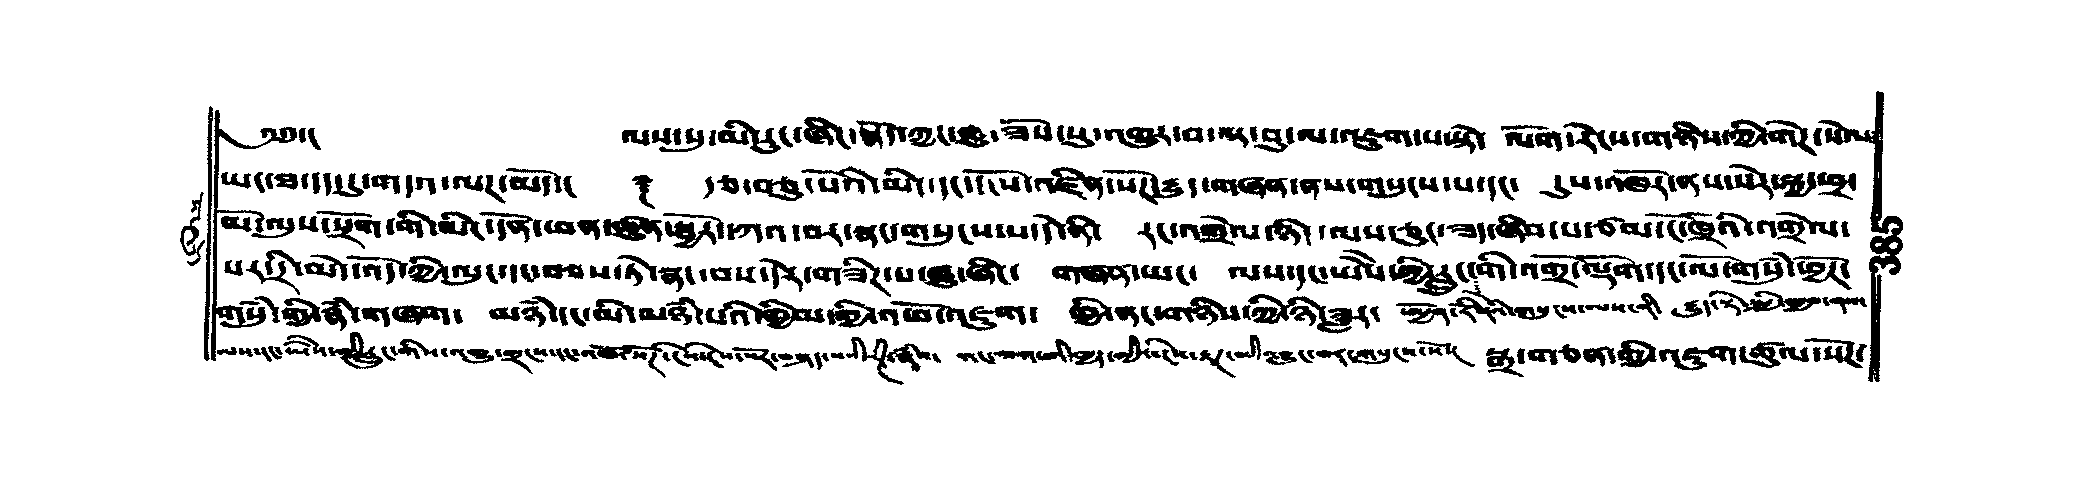ལས་སུ་མི་རུང་ཞིང་སྣོད་ཀྱང་ཆུད་ཟོས་སུ་འགྱུར་བ་ལྟ་བུ་ལ་འཇུག་པ་སྟེ། ལོག་རེངས་གཉིས་ཀྱི་གེགས་སེལ་
ཡང་ཐ་དད་དུ་གདའ་ལགས་མོད། རྩ་བཅུ་པོའི་མིང་དང་ངོས་འཛིན་སོགས་རྒྱུད་གཞན་ནས་གསུངས་པ་དང་། དུས་འཁོར་ནས་སེར་སྐྱ་ཕྲ་
མོ་ལུས་སྲོག་གི་མིང་དོན་ཕན་ཚུན་སྦྱོར་དཀའ་བར་སྣང་གསུངས་པ་དེ་ནི། རང་འགྲེལ་ཉིད་ལས་ཅུང་ཟད་ཞིབ་པ་ཙམ་ངོ་ཁྲོའི་འགྲེལ་
པར་དྲི་མེད་འོད་ཀྱི་ལུང་དང་བཅས་ཏེ་སྣང་བས་དེར་གཟིགས་པ་ཞུ་ཞིང་། གཞན་ཡང་། ལས་དང་ཡེ་ཤེས་ཀྱི་རླུང་གི་འགྲོ་ལྡོག་དང་ལོ་གསུམ་ཕྱོགས་
གསུམ་གྱི་རྣམ་གཞག མཉམ་དང་མི་མཉམ་པའི་ཁྱིམ་གྱི་འཕོ་འཇུག ཕྱི་ནང་གཉིས་ཀྱི་ཉི་ཟླར་
སྒྲ་གཅན་གྱི་འཇུག་ཚུལ་སོགས་